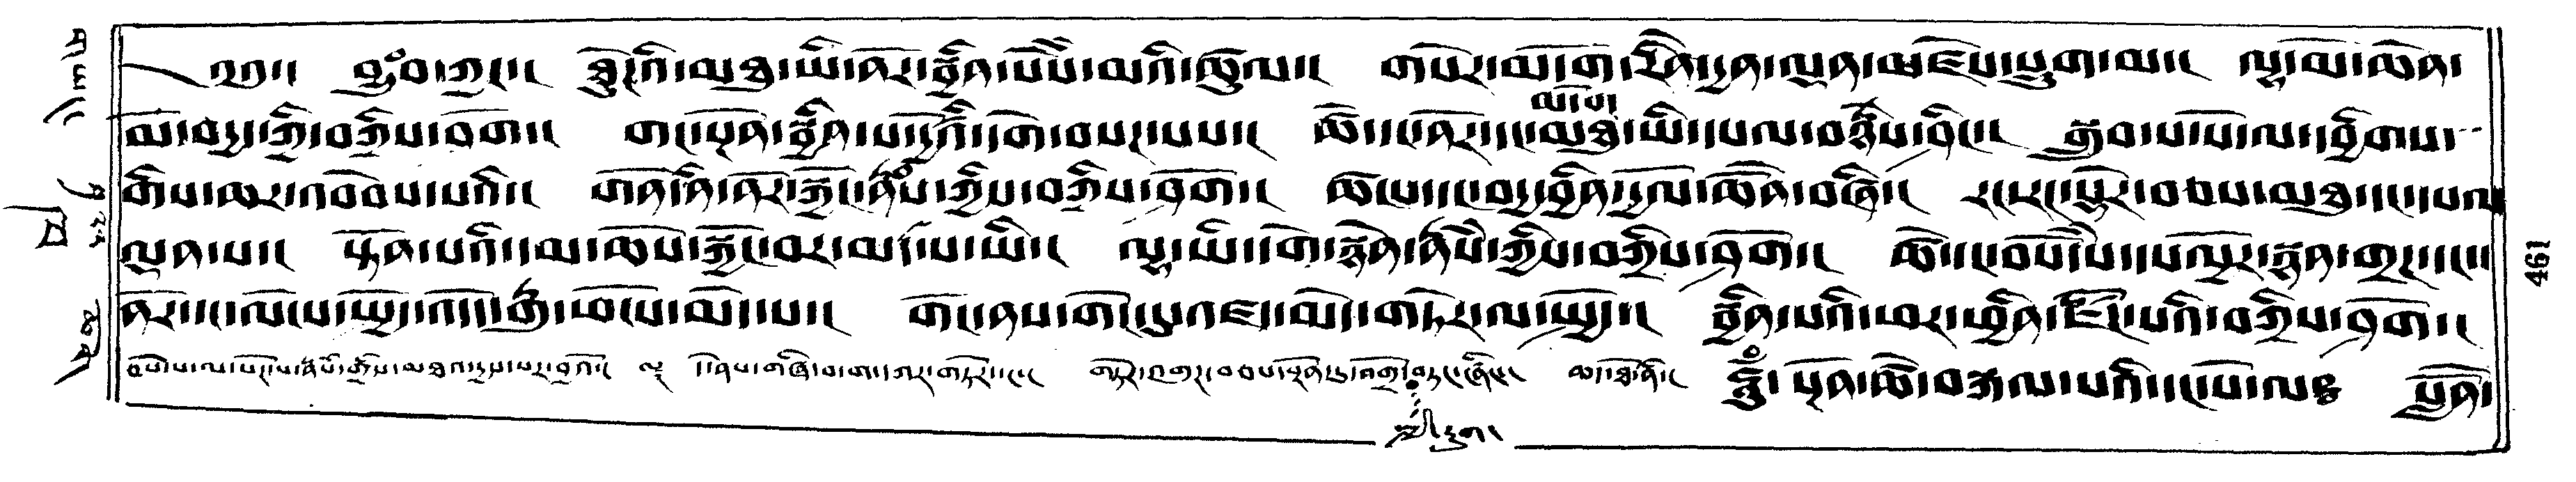བྱང་ཆུབ་ཀྱང་། །ཐུགས་རྗེའི་མཐུ་ཡི་ནོར་སྦྱིན་སེམས་མའི་ཚུལ། །གསེར་མདོག་རིན་ཆེན་རྒྱན་ལྡན་མཛེས་སྡུག་མ། །ལྷ་མོ་ཆེན་
མོ་བརྒྱད་ཀྱི་བཀྲ་ཤིས་ཤོག །གང་སྔོན་སྦྱིན་པ་རྒྱ་མཚོའི་དགེ་བསགས་པས། །ཚེ་དང་ནོར་དང་མཐུ་ཡི་དཔལ་བརྙེས་ཤིང་། །སྒྲུབ་པ་པོ་ལ་དབྱིག་
གིས་ཆར་འབེབས་པའི། །གནོད་སྦྱིན་ནོར་སྐྱོང་རྣམས་ཀྱིས་བཀྲ་ཤིས་ཤོག །ཚངས་དང་བགྱ་བྱིན་རྒྱལ་པོ་ཆེན་པོ་བཞི། །རང་རང་སྡེར་བཅས་མཐུ་དང་དཔལ་
ལྡན་པ། །སྟོན་པའི་དམ་ཆོས་སྐྱོང་བར་མཛད་པ་ཡི། །ལྷ་ཡི་དགེ་བསྙེན་རྣམས་ཀྱི་བཀྲ་ཤིས་ཤོག །ཚེ་དང་བསོད་ནམས་དཔལ་འབྱོར་སྙན་གྲགས་དང་། 
ནོར་དང་ལོངས་སྤྱོད་འདོད་རྒུ་ཕོངས་མེད་པ། །གོང་ནས་གོང་དུ་འཛད་མེད་གཏེར་ལ་སྤྱོད། །སྦྱིན་པའི་ཕར་ཕྱིན་རྫོགས་པའི་བཀྲ་ཤིས་ཤོག ། 
ཅེས་པ་ལ་སོགས་པ་རྣམས་ཀྱིས་མཐའ་རྒྱས་པར་བྱའོ།། ༈ དེ་ནས་གཞི་བདག་དཀར་གཏོར་དང་། །གཏོར་འགུགས་བཅས་སྔོན་དུ་འགྲོ་་བའི་སྒོ་ནས། །ཆད་ཐོ་ནི། ཧཱུྃ༔ སྔོན་ཚེ་བསྐལ་པའི་དང་པོ་ལ༔ སློབ་དཔོན་